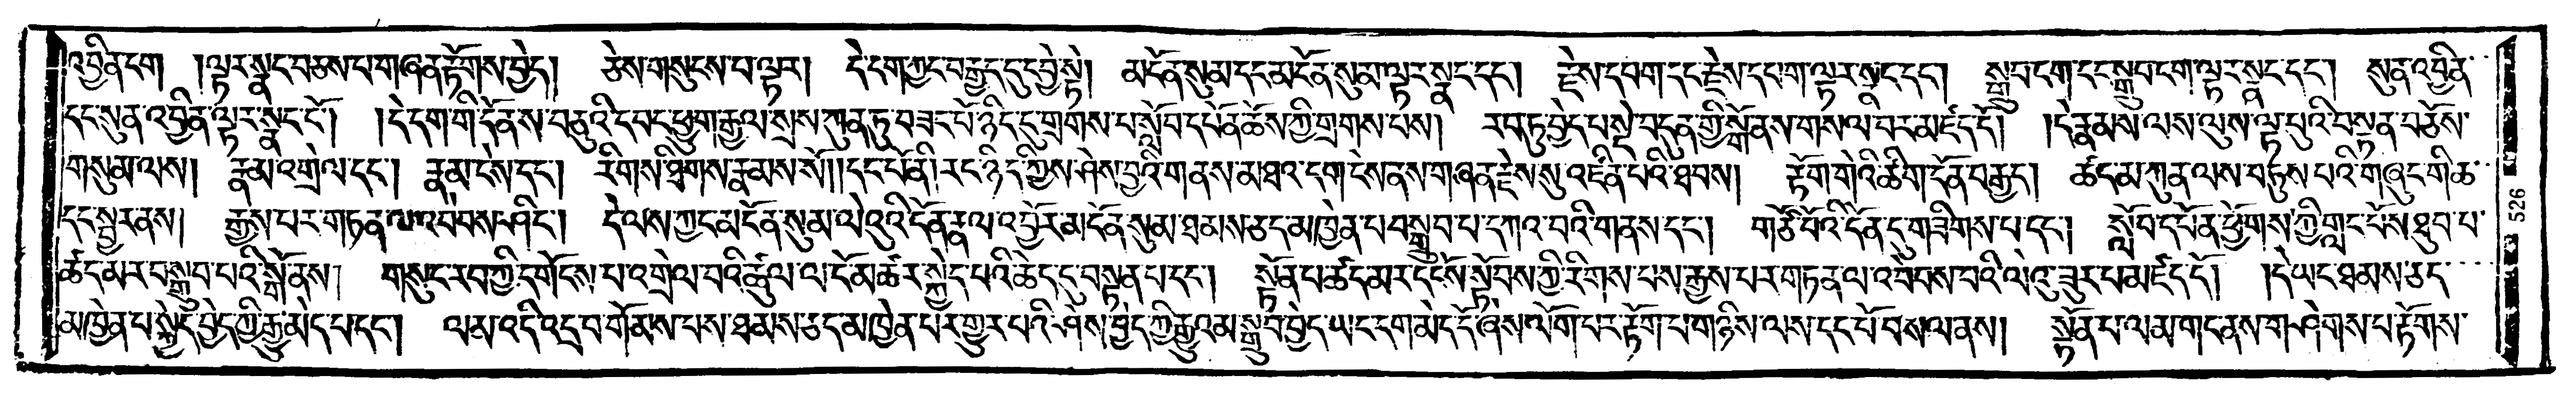འབྱིན་ངག །ལྟར་སྣང་བཅས་པ་གཞན་རྟོགས་བྱེད། ཅེས་གསུངས་པ་ལྟར། དེ་དག་ཀྱང་བརྒྱད་དུ་དབྱེ་སྟེ། མངོན་སུམ་དང་མངོན་སུམ་ལྟར་སྣང་དང་། རྗེས་དཔག་དང་རྗེས་དཔག་ལྟར་སྣང་དང་། སྒྲུབ་ངག་དང་སྒྲུབ་དག་ལྟར་སྣང་དང་། སུན་འབྱིན་
དང་སུན་འབྱིན་ལྟར་སྣང་ངོ། །དེ་དག་གི་དོན་ནས་བཅུའི་དབང་ཕྱུག་རྒྱལ་སྲས་ཀུན་ཏུ་བཟང་པོ་ཉིད་དུ་གྲགས་པ་སློབ་དཔོན་ཆོས་ཀྱི་གྲགས་པས། རབ་ཏུ་བྱེད་པ་སྡེ་བདུན་གྱི་སྒོ་ནས་གསལ་བར་མཛད་དོ། །དེ་རྣམས་ལས་ལུས་ལྟ་པུའི་བསྟན་བཅོས་
གསུམ་ལས། རྣམ་འགྲེལ་དང་། རྣམ་ངེས་དང་། རིགས་ཐིགས་རྣམས་སོ། །དང་པོ་ནི། རང་ཉིད་ཀྱིས་ཤེས་བྱའི་གནས་མཐའ་དག་ངེས་ནས་གཞན་རྗེས་སུ་འཛིན་པའི་ཐབས། རྟོག་གེའི་ཚིག་དོན་བརྒྱད། ཚད་མ་ཀུན་ལས་བཏུས་པའི་གཞུང་གི་ཆ་
དང་སྦྱར་ནས། རྒྱས་པར་གཏན་ལ་འབེབས་ཤིང་། དེ་ལས་ཀྱང་མངོན་སུམ་ལེའུའི་དོན་རྣལ་འབྱོར་མངོན་སུམ་ཐམས་ཅད་མཁྱེན་པ་བསྒྲུབ་པ་དཀའ་བའི་གནས་དང་། གཙོ་བོའི་དོན་དུ་གཟིགས་པ་དང་། སློབ་དཔོན་ཕྱོགས་ཀྱི་གླང་པོས་ཐུབ་པ་
ཚད་མར་བསྒྲུབ་པའི་སྒོ་ནས། གསུང་རབ་ཀྱི་དགོངས་པ་འགྲེལ་བའི་ཚུལ་ལ་ངོ་མཚར་སྐྱེད་པའི་ཆེད་དུ་བསྟན་པ་དང་། སྟོན་པ་ཚད་མར་དངོས་སྟོབས་ཀྱི་རིགས་པས་རྒྱས་པར་གཏན་ལ་འབེབས་པའི་ལེའུ་ཟུར་པ་མཛད་དོ། །དེ་ཡང་ཐམས་ཅད་
མཁྱེན་པ་སྐྱེད་བྱེད་ཀྱི་རྒྱུ་མེད་པ་དང་། ལམ་འདི་འདྲ་བ་གོམས་པས་ཐམས་ཅད་མཁྱེན་པར་གྱུར་པའི་ཤེས་བྱེད་ཀྱི་རྒྱུ་འམ་སྒྲུབ་བྱེད་ཡང་དག་མེད་དོ་ཞེས་ལོག་པར་རྟོགས་པ་གཉིས་ལས་དང་པོ་བསལ་ནས། སྟོན་པ་ལམ་གང་ནས་གཤེགས་པ་རྟོགས་